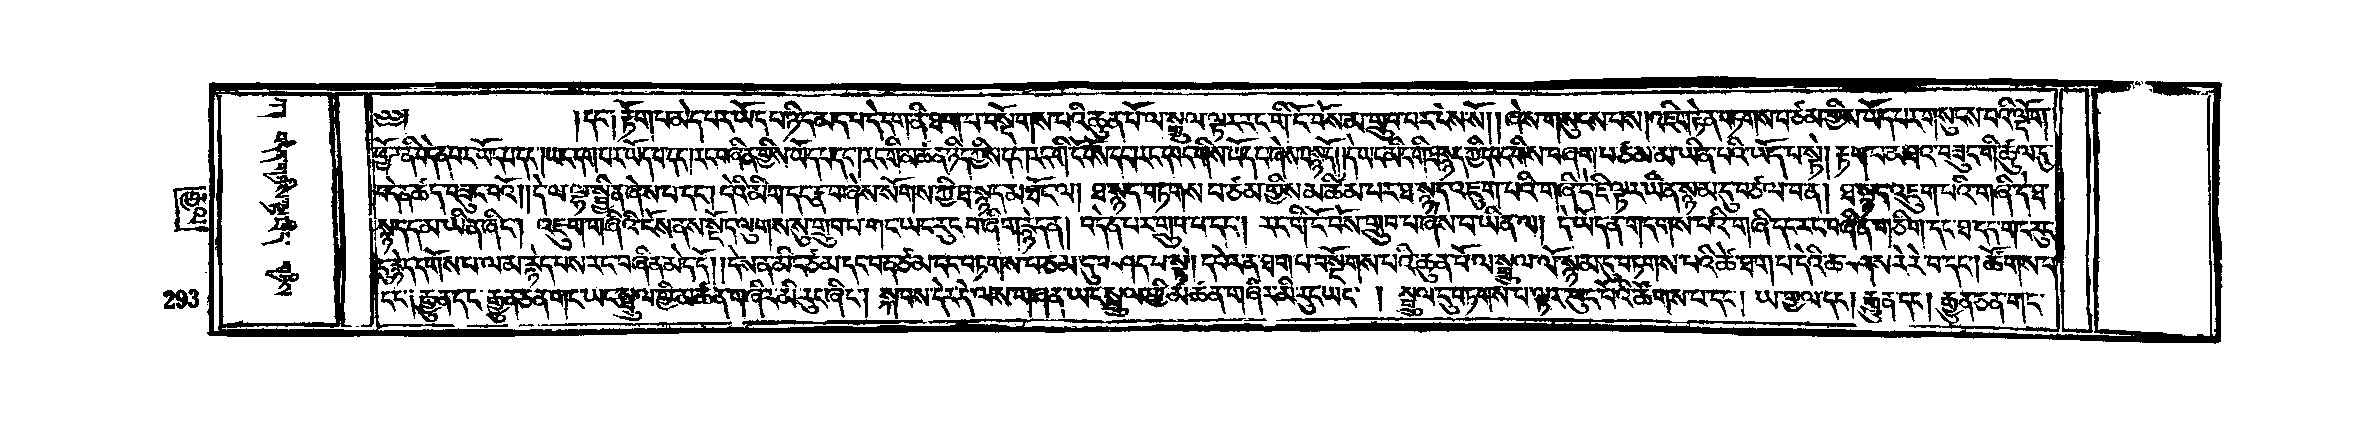༄༅། །དང་། རྟོག་པ་མེད་པར་ཡོད་པ་ཉིད་མད་པ་དེ་དག་ནི་ཐག་པ་བསྡོགས་པའི་ཆུན་པོ་ལ་སྒྲུལ་ལྟར་རང་གི་ངོ་བོས་མ་གྲུབ་པར་ངེས་སོ། །ཞེས་གསུངས་པས། འཇིག་རྟེན་བཏགས་པ་ཙམ་གྱིས་ཡོད་པར་གསུངས་པའི་ལྡོག་
ཕྱོགས་ནི་བདེན་པར་ཡོད་པ་དང་། ཡང་དག་པར་ཡོད་པ་དང་། རང་བཞིན་གྱིས་ཡོད་པ་དང་། རང་གི་མཚན་ཉིད་ཀྱིས་དང་། རང་གི་ངོ་བོས་དང་། རང་དབང་གིས་ཡོད་པ་ཞེས་བསྙད་དོ། །དེ་ཡང་མིང་གི་ཐ་སྙད་ཀྱི་དབང་གིས་བཞག་པ་ཙམ་མ་ཡིན་པའི་ཡོད་པ་སྟེ། རྟག་པ་མཐའ་བཟུང་གི་ཚུལ་དུ་
བདེན་ཚད་བཟུང་བའོ། །དེ་ལ་ལྷ་སྦྱིན་ཞེས་པ་དང་། དེའི་མིག་དང་རྣ་བ་ཞེས་སོགས་ཀྱི་ཐ་སྙད་མཐོང་ལ། ཐ་སྙད་བཏགས་པ་ཙམ་གྱིས་མ་ཚིམ་པར་ཐ་སྙད་འཇུག་པའི་གཞི་དེ་ཇི་ལྟར་ཡིན་སྙམ་དུ་བཙལ་བ་ན། ཐ་སྙད་འཇུག་པའི་གཞི་དེ་ཐ་
སྙད་དམ་ཡིན་ཞིང་། འཇུག་གཞིའི་ངོས་ནས་སྡོད་ལུགས་སུ་གྲུབ་པ་གང་ཡང་རུང་བ་ཞིག་རྙེད་ན། བདེན་པར་གྲུབ་པ་དང་། རང་གི་ངོ་བོས་གྲུབ་པ་ཞེས་པ་ཡིན་ལ། དེ་ཡོད་ན་གདགས་པའི་གཞི་དང་རང་བཞིན་གཅིག་དང་ཐ་དད་གང་རུང་
དུ་རྙེད་དགོས་པ་ལ་མ་རྙེད་པས་རང་བཞིན་མེད་དོ། །དེས་ན་མིང་ཙམ་དང་བརྡ་ཙམ་དང་བཏགས་པ་ཙམ་དུ་བཤད་པ་སྟེ། དཔེར་ན་ཐག་པ་བསྡོགས་པའི་ཆུན་པོ་ལ་སྒྲུལ་ལོ་སྙམ་དུ་བཏགས་པའི་ཚེ་ཐག་པ་དེའི་ཆ་ཤས་རེ་རེ་བ་དང་། ཚོགས་པ་
དང་། རྒྱུན་དང་རྒྱུན་ཅན་གང་ཡང་སྤྲུལ་གྱི་མཚན་གཞིར་མི་རུང་ཞིང་། སྐབས་དེར་དེ་ལས་གཞན་ཡང་སྤྲུལ་གྱི་མཚན་གཞིར་མི་རུང་ཡང་། སྦྲུལ་དུ་བཏགས་པ་ལྟར་ཕུང་པོའི་ཚོགས་པ་དང་། ཡ་གྱལ་དང་། རྒྱུན་དང་། རྒྱུན་ཅན་གང་